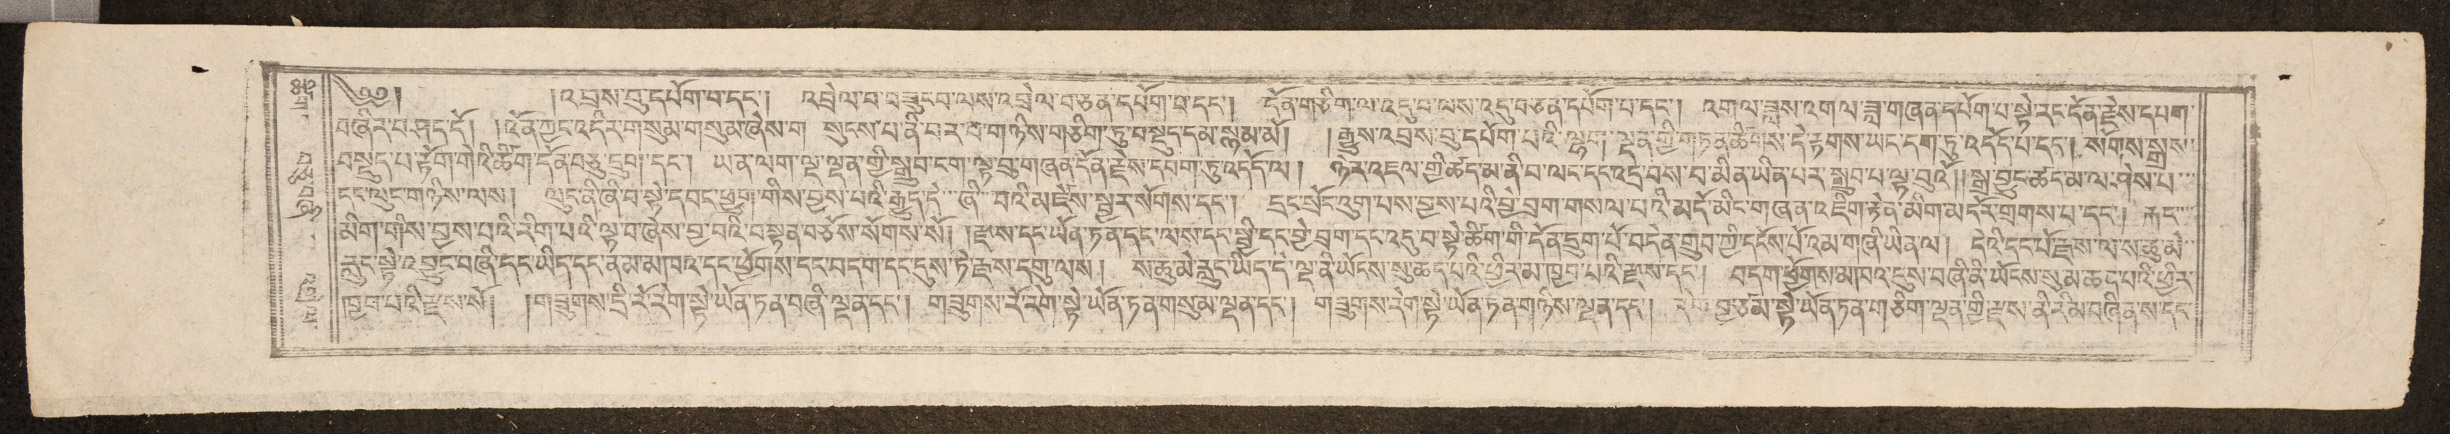༄༅། །འབྲས་བུ་དཔོག་པ་དང་། འབྲེལ་བ་བཟུང་བ་ལས་འབྲེལ་བ་ཅན་དཔོག་པ་དང་། དོན་གཅིག་ལ་འདུ་བ་ལས་འདུ་བ་ཅན་དཔོག་པ་དང་། འགལ་ཟླས་འགལ་ཟླ་གཞན་དཔོག་པ་སྟེ་རང་དོན་རྗེས་དཔག་
བཞིར་བཤད་དོ། །འོན་ཀྱང་འདིར་གསུམ་གསུམ་ཞེས་གསུངས་པ་ནི་བར་བ་གཉིས་གཅིག་ཏུ་བསྡུད་དམ་སྙམ་མོ། །རྒྱུས་འབྲས་བུ་དཔོག་པའི་ལྷག་ལྡན་གྱི་གཏན་ཚིགས་དེ་རྟགས་ཡང་དག་ཏུ་འདོད་པ་དང་། སོགས་སྒྲས་
བསྡུད་པ་རྟོག་གེའི་ཚིག་དོན་བཅུ་དྲུག་དང་། ཡན་ལག་ལྔ་ལྡན་གྱི་སྒྲུབ་ངག་ལྟ་བུ་གཞན་དོན་རྗེས་དཔག་ཏུ་འདོད་ལ། ཉེར་འཇལ་གྱི་ཚད་མ་ནི་བ་ལང་དང་འདྲ་བས་བ་མིན་ཡིན་པར་སྒྲུབ་པ་ལྟ་བུའོ། །སྒྲ་བྱུང་ཚད་མ་ལ་ཤེས་པ་
དང་ལུང་གཉིས་ལས། ལུང་ནི་ཞི་བ་སྟེ་དབང་ཕྱུག་གིས་བྱས་པའི་རྒྱུད་དེ་ཞི་བའི་མཛེས་སྦྱར་སོགས་དང་། དྲང་སྲོང་འུག་པས་བྱས་པའི་བྱེ་བྲག་གསལ་བའི་མདོ་མིང་གཞན་འཇིག་རྟེན་མིག་མདོར་གྲགས་པ་དང་། རྐང་
མིག་གིས་བྱས་པའི་རིག་པའི་ལྟ་བ་ཞེས་བྱ་བའི་བསྟན་བཅོས་སོགས་སོ། །རྫས་དང་ཡོན་ཏན་དང་ལས་དང་སྤྱི་དང་བྱེ་བྲག་དང་འདུ་བ་སྟེ་ཚིག་གི་དོན་དྲུག་པོ་བདེན་གྲུབ་ཀྱི་དངོས་པོའམ་གཞི་ཡིན་ལ། དེའི་དང་པོ་རྫས་ལ་ས་ཆུ་མེ་
རླུང་སྟེ་འབྱུང་བཞི་དང་ཡིད་དང་ནམ་མཁའ་དང་ཕྱོགས་དང་བདག་དང་དུས་ཏེ་རྫས་དགུ་ལས། ས་ཆུ་མེ་རླུང་ཡིད་དེ་ལྔ་ནི་ཡོངས་སུ་ཆད་པའི་ཕྱིར་མ་ཁྱབ་པའི་རྫས་དང་། བདག་ཕྱོགས་མཁའ་དུས་བཞི་ནི་ཡོངས་སུ་མ་ཆན་པའི་ཕྱིར་
ཁྱབ་པའི་རྫས་སོ། །གཟུགས་དྲི་རོ་རེག་སྟེ་ཡོན་ཏན་བཞི་ལྡན་དང་། གཟུགས་རོ་རེག་སྟེ་ཡོན་ཏན་གསུམ་ལྡན་དང་། གཟུགས་རེག་སྟེ་ཡོན་ཏན་གཉིས་ལྡན་དང་། རེག་བྱ་ཙམ་སྟེ་ཡོན་ཏན་གཅིག་ལྡན་གྱི་རྫས་ནི་རིམ་བཞིན་ས་དང་